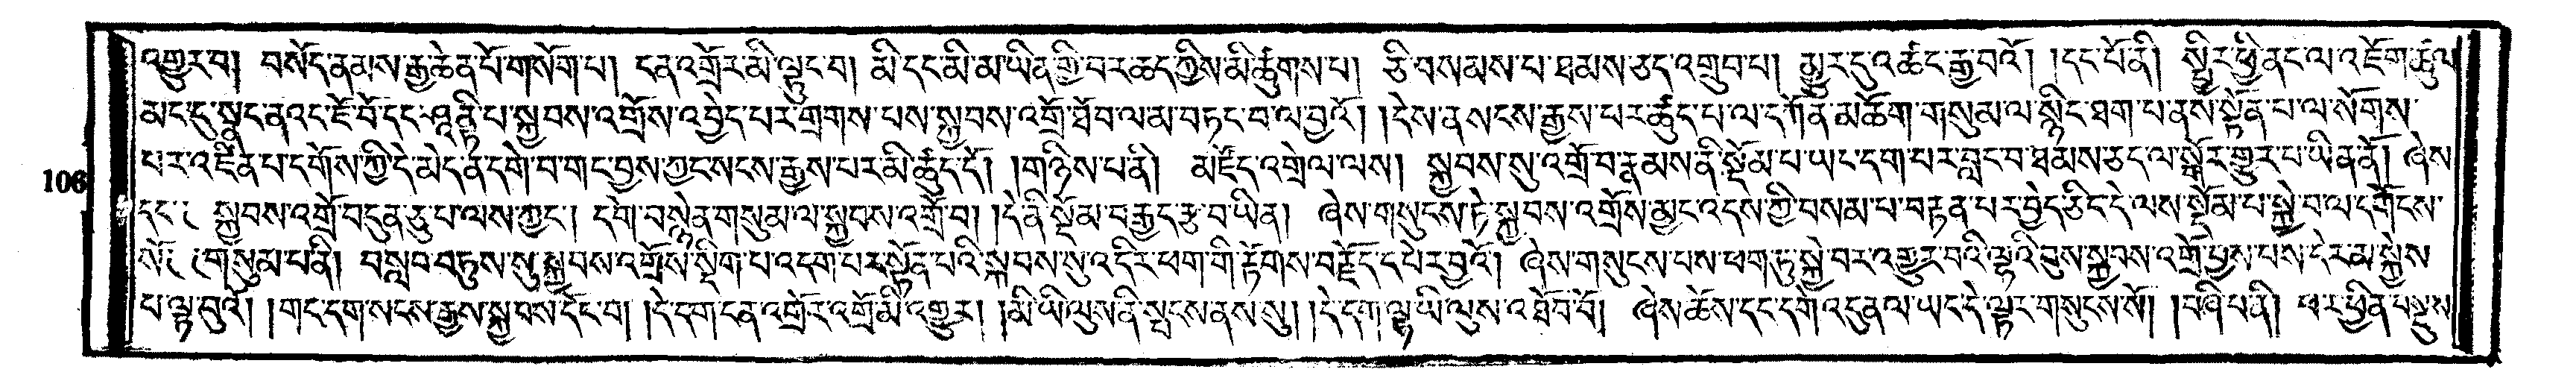འགྱུར་བ། བསོད་ནམས་རྒྱ་ཆེན་པོ་གསོག་པ། ངན་འགྲོར་མི་ལྟུང་བ། མི་དང་མི་མ་ཡིན་གྱི་བར་ཆད་ཀྱིས་མི་ཚུགས་པ། ཅི་བསམས་པ་ཐམས་ཅད་འགྲུབ་པ། མྱུར་དུ་འཚང་རྒྱ་བའོ། །དང་པོ་ནི། སྤྱིར་ཕྱི་ནང་ལ་འཇོག་ཚུལ་
མང་དུ་སྣང་ནའང་ཇོ་བོ་དང་ཤཱནྟི་པ་སྐྱབས་འགྲོས་འབྱེད་པར་གྲགས་པས་སྐྱབས་འགྲོ་ཐོབ་ལ་མ་བཏང་བ་ལ་བྱའོ། །དེས་ནས་སངས་རྒྱས་པར་ཚུད་པ་ལ་དཀོན་མཆོག་གསུམ་ལ་སྙིང་ཐབ་པ་ནས་སྟོན་པ་ལ་སོགས་
པར་འཛིན་པ་དགོས་ཀྱི་དེ་མེད་ན་དགེ་བ་གང་བྱས་ཀྱང་སངས་རྒྱས་པར་མི་ཚུད་དོ། །གཉིས་པ་ནི། མཛོད་འགྲེལ་ལས། སྐྱབས་སུ་འགྲོ་བ་རྣམས་ནི་སྡོམ་པ་ཡང་དག་པར་བླང་བ་ཐམས་ཅད་ལ་སྒོར་གྱུར་པ་ཡིན་ནོ། ཞེས་
དང་༑ སྐྱབས་འགྲོ་བདུན་ཅུ་པ་ལས་ཀྱང་། དགེ་བསྙེན་གསུམ་ལ་སྐྱབས་འགྲོ་བ། །དེ་ནི་སྔོམ་བརྒྱད་རྩ་བ་ཡིན། ཞེས་གསུངས་ཏེ་སྐྱབས་འགྲོས་མྱང་འདས་ཀྱི་བསམ་པ་བརྟན་པར་བྱེད་ཅིང་དེ་ལས་སྡོམ་པ་སྐྱེ་བ་ལ་དགོངས་
སོ༑ ༑གསུམ་པ་ནི། བསླབ་བཏུས་སུ་སྐྱབས་འགྲོས་སྡིག་པ་འདག་པར་སྟོན་པའི་སྐབས་སུ་འདིར་ཕག་གི་རྟོགས་བརྗོད་དཔེར་བྱའོ། ཞེས་གསུངས་པས་ཕག་ཏུ་སྐྱེ་བར་འགྱུར་བའི་ལྷའི་བུས་སྐྱབས་འགྲོ་བྱས་པས་དེར་མ་སྐྱེས་
པ་ལྟ་བུའོ། །གང་དག་སངས་རྒྱས་སྐྱབས་དོང་བ། །དེ་དག་ངན་འགྲོར་འགྲོ་མི་འགྱུར། །མི་ཡི་ལུས་ནི་སྤངས་ནས་སུ། །དེ་དག་ལྷ་ཡི་ལུས་འཐོབ་བོ། །ཞེས་ཆོས་དང་དགེ་འདུན་ལ་ཡང་དེ་ལྟར་གསུངས་སོ། །བཞི་པ་ནི། ཕར་ཕྱིན་བསྡུས་